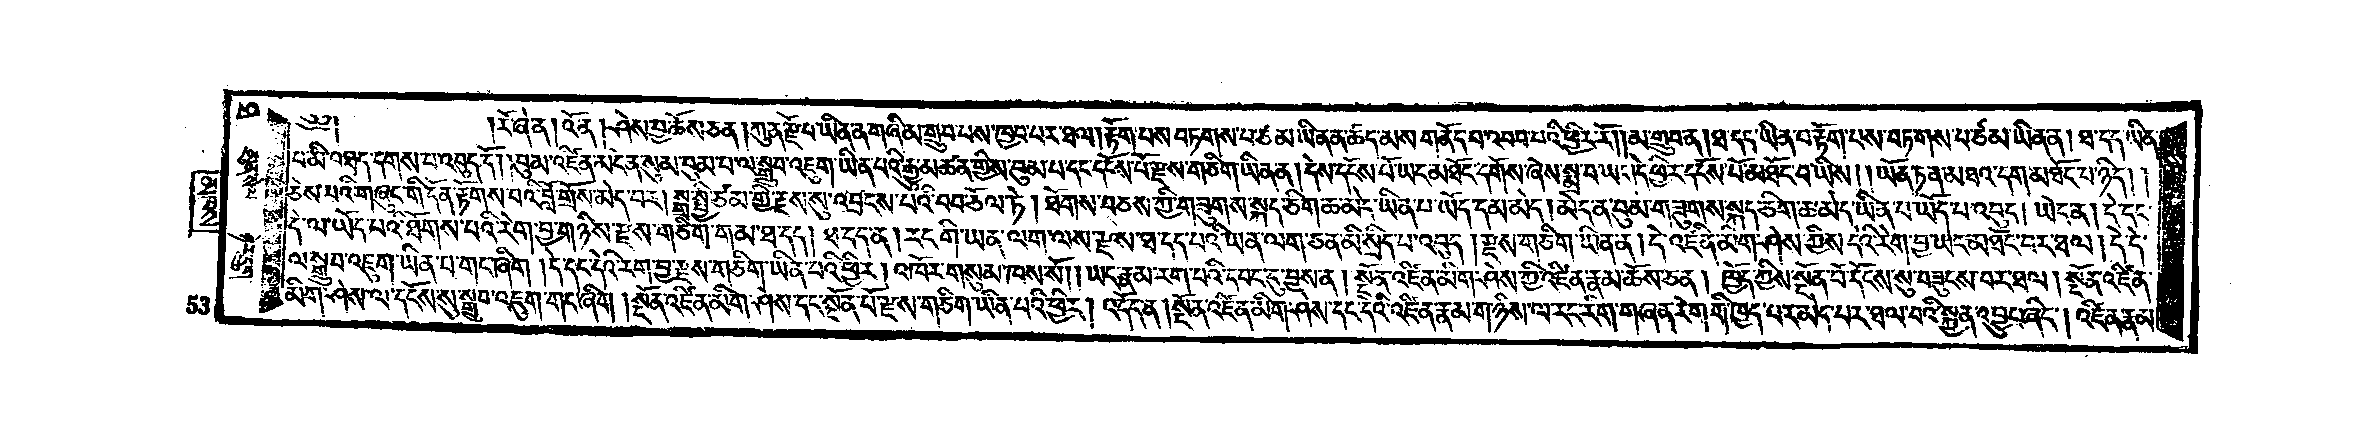༄༅། །རོ་ཞེ་ན། འོ་ན། ཤེས་བྱ་ཆོས་ཅན། ཀུན་རྫོབ་ཡིན་ན་གཞི་མ་གྲུབ་པས་ཁྱབ་པར་ཐལ། རྟོག་པས་བཏགས་པ་ཙམ་ཡིན་ན་ཚད་མས་གནོད་པ་འབབ་པའི་ཕྱིར་རོ། །མ་གྲུབ་ན། ཐ་དད་ཡིན་པ་རྟོག་པས་བཏགས་པ་ཙམ་ཡིན་ན། ཐ་དད་ཡིན་
པ་མི་འཐད་དགོས་པ་འབུད་དོ། །བུམ་འཛིན་མངོན་སུམ་བུམ་པ་ལ་སྒྲུབ་འཇུག་ཡིན་པའི་རྒྱུ་མཚན་གྱིས་བུམ་པ་དང་དངོས་པོ་རྫས་གཅིག་ཡིན་ན། དེས་དངོས་པོ་ཡང་མཐོང་དགོས་ཞེས་སྨྲ་བ་ཡང་། དེ་ཕྱིར་དངོས་པོ་མཐོང་བ་ཡིས། །ཡོན་ཏན་མཐའ་དག་མཐོང་བ་ཉིད། །
ཅེས་པའི་གཞུང་གི་དོན་རྟོགས་པའི་བློ་གྲོས་མེད་པར། སྒྲ་སྤྱི་ཙམ་གྱི་རྗེས་སུ་འབྲངས་པའི་བབ་ཅོལ་ཏེ། ཐོགས་བཅས་ཀྱི་གཟུགས་སྐད་ཅིག་ཆ་མེད་ཡིན་པ་ཡོད་དམ་མེད། མེད་ན་བུམ་གཟུགས་སྐད་ཅིག་ཆ་མེད་ཡིན་པ་ཡོད་པ་འབུད། ཡོད་ན། དེ་དང་
དེ་ལ་ཡོད་པའི་ཐོགས་པའི་རེག་བྱ་གཉིས་རྫས་གཅིག་གམ་ཐ་དད། ཐ་དད་ན། རང་གི་ཡན་ལག་ལས་རྫས་ཐ་དད་པའི་ཡན་ལག་ཅན་མི་སྲིད་པ་འབུད། རྫས་གཅིག་ཡིན་ན། དེ་འཛིན་མིག་ཤེས་ཀྱིས་དེའི་རེག་བྱ་ཡང་མཐོང་བར་ཐལ། དེ་དེ་
ལ་སྒྲུབ་འཇུག་ཡིན་པ་གང་ཞིག །དེ་དང་དེའི་རེག་བྱ་རྫས་གཅིག་ཡིན་པའི་ཕྱིར། འཁོར་གསུམ་ཁས་སོ། །ཡང་རྣམ་རིག་པའི་དབང་དུ་བྱས་ན། སྔོན་འཛིན་མིག་ཤེས་ཀྱི་འཛིན་རྣམ་ཆོས་ཅན། ཁྱོད་ཀྱིས་སྔོན་པོ་དངོས་སུ་བཟུངས་བར་ཐལ། སྔོན་འཛིན་
མིག་ཤེས་ལ་དངོས་སུ་སྒྲུབ་འཇུག་གང་ཞིག །སྔོན་འཛིན་མིག་ཤེས་དང་སྔོན་པོ་རྫས་གཅིག་ཡིན་པའི་ཕྱིར། འདོད་ན། སྔོན་འཛིན་མིག་ཤེས་དང་དེའི་འཛིན་རྣམ་གཉིས་ལ་རང་རིག་གཞན་རིག་གི་ཁྱད་པར་མེད་པར་ཐལ་བའི་སྐྱོན་འབྱུང་ཞིང་། འཛིན་རྣམ་